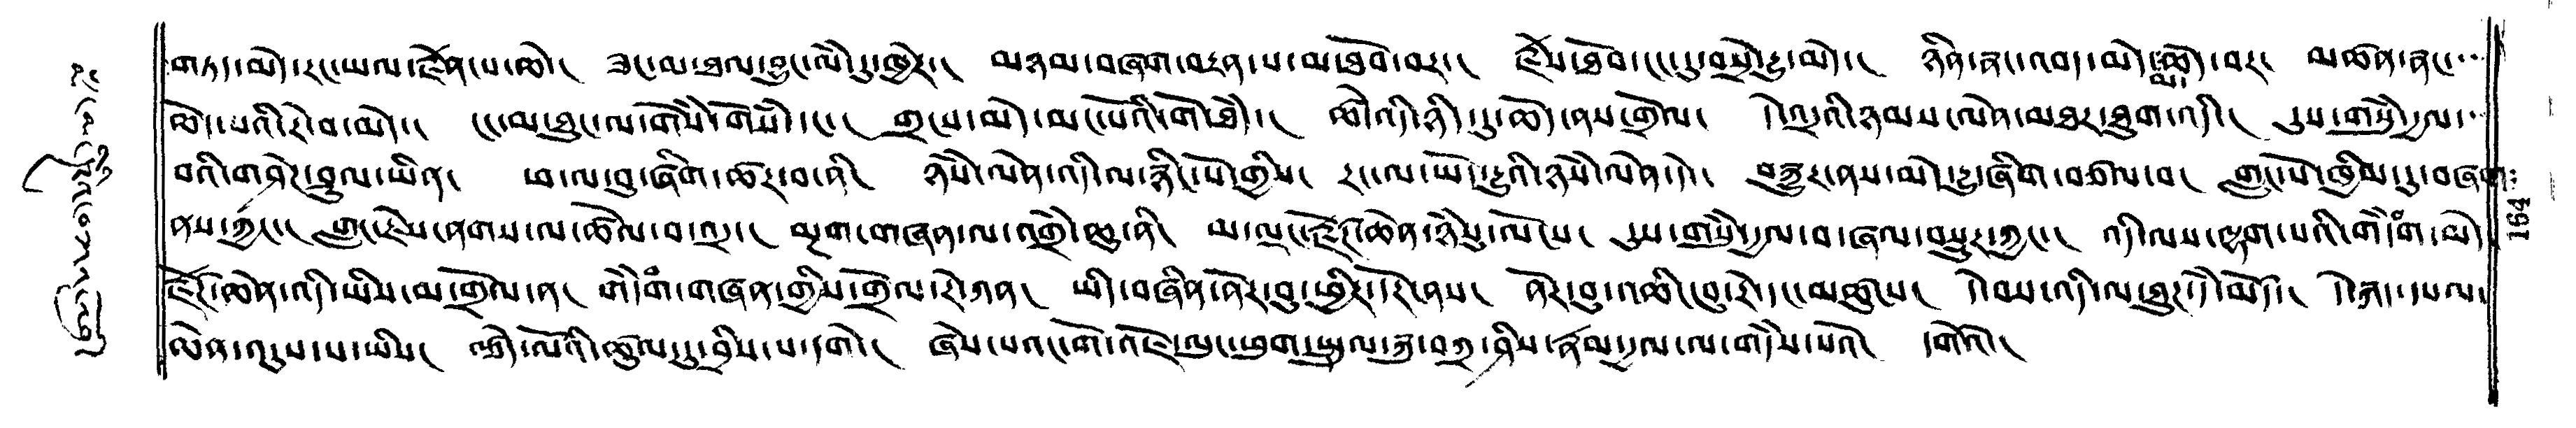།གཏད་མེད་རང་ཡལ་རྗེན་པ་ཆེ། །བཟང་མ་ཐལ་བྱུང་ལམ་དུ་ཁྱེར། །མཉམ་བཞག་བརྟན་པ་མ་ཐོབ་པར། །རྗེས་ཐོབ་ངང་དུ་བསྲེ་རྒྱུ་མེད། །ཉིན་སྣང་འབད་མེད་མ་ཆོད་བར། །མཚན་སྣང་
ཆོད་པའི་རེ་བ་མེད། །ངང་མ་ཐུང་ལ་གོམས་གོམས་དང་། །གྲངས་མེད་མང་པོའི་གོ་ཐམས་ཅད། །ཚེ་འདི་ཉིད་དུ་ཆོད་ནས་གྲོལ། །དེ་འདྲའི་ཉམས་ལེན་མཐར་ཐུག་འདི། །དུས་གསུམ་རྒྱལ་
བའི་གཤེགས་ཤུལ་ཡིན། །ཕ་ལ་བུ་ཞིག་ཚར་བ་ནི། །ཉམས་ལེན་འདི་ལ་སྙིང་པོ་གྱིས། །རང་ལ་ཡོད་རྒྱུའི་ཉམས་ལེན་དེ། །བསྐྱུར་ནས་མེད་རྒྱུ་ཞིག་བཙལ་བ། །གླང་པོ་ཁྱིམ་དུ་བཞག་
ནས་ཀྱང་། །གླང་རྗེས་ནགས་ལ་འཚོལ་བ་འདྲ། །མན་ངག་གཞན་ལ་འགྲམ་ཆུ་ནི། །མ་ལྡང་རྫོགས་ཆེན་ཉམས་སུ་ལོངས། །དུས་གསུམ་རྒྱལ་བ་ཞལ་བསྡུར་ཀྱང་། །འདི་ལས་ལྷག་པའི་གདམས་ངག་མེད། །
རྫོགས་ཆེན་འདི་ཡིས་མ་གྲོལ་ན། །གདམས་ངག་གཞན་གྱིས་གྲོལ་རེ་ཀན། །ཡིད་བཞིན་ནོར་བུ་ཕྱིར་དོར་ནས། །ནོར་བུ་མཆིང་བུར་རེ་དང་མཚུངས། །དེ་བས་འདི་ལ་ཐུགས་དམ་མཛོད། །དེ་སྐད་དཔལ་
ཆེན་འདུས་པ་ཡིས། །རྩད་མོའི་ཚུལ་དུ་བྲིས་པ་དགེཞེས་པའང་གོ་འཇོ་ལུང་ཕུག་སྤྲུལ་སྐུ་བཀྲ་ཤིས་རྣམ་རྒྱལ་ལ་གདམས་པའོ། མངྒ་ལཾ།།